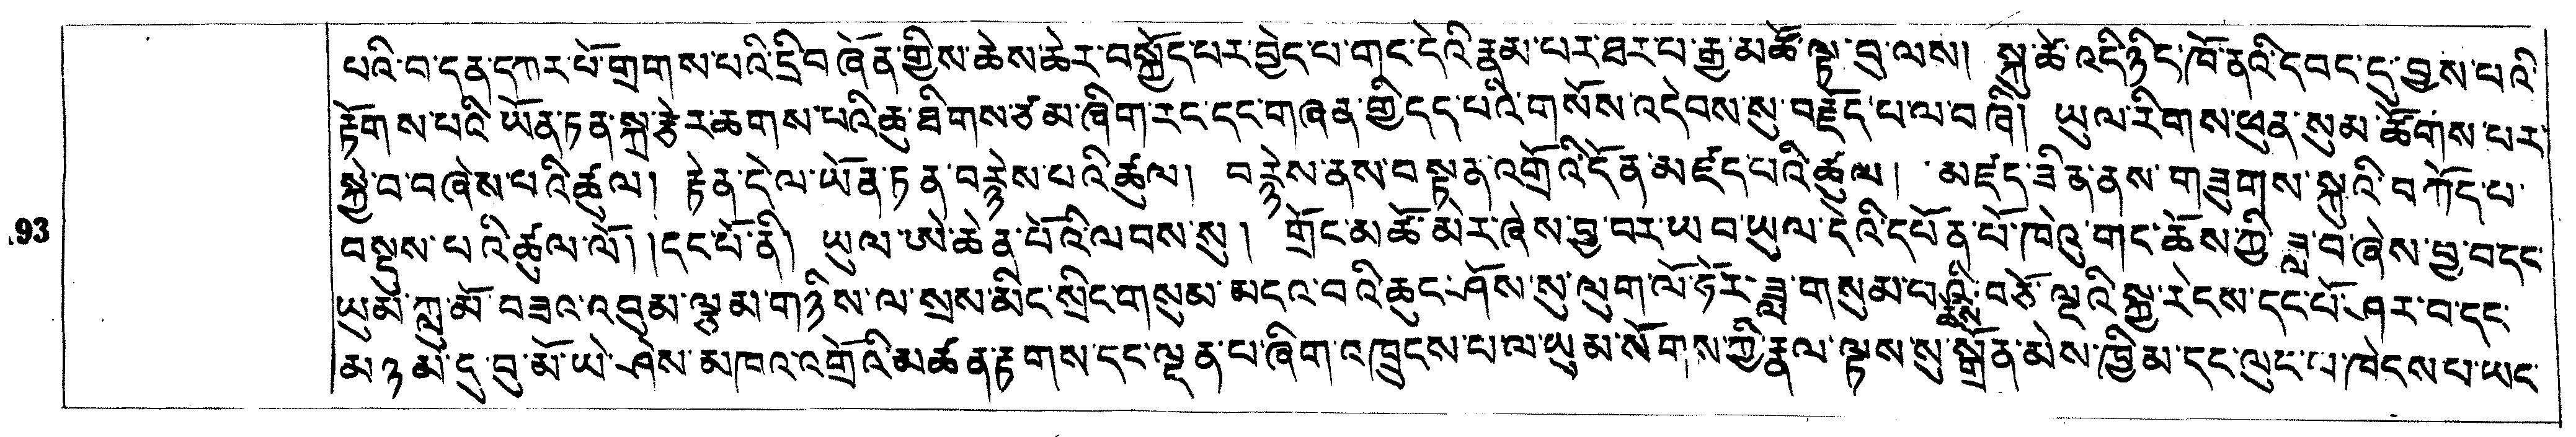པའི་བ་དན་དཀར་པོ་གྲགས་པའི་དྲི་བཞོན་གྱིས་ཆེས་ཆེར་བསྐྱོད་པར་བྱེད་པ་གང་དེའི་རྣམ་པར་ཐར་པ་རྒྱ་མཚོ་ལྟ་བུ་ལས། སྐུ་ཚེ་འདི་ཉིད་ཁོ་ནའི་དབང་དུ་བྱས་པའི་
རྟོགས་པའི་ཡོན་ཏན་སྐྲ་རྩེར་ཆགས་པའི་ཆུ་ཐིགས་ཙམ་ཞིག་རང་དང་གཞན་གྱི་དད་པའི་གསོས་འདེབས་སུ་བརྗོད་པ་ལ་བཞི། ཡུལ་རིགས་ཕུན་སུམ་ཚོགས་པར་
སྐྱེ་བ་བཞེས་པའི་ཚུལ། རྟེན་དེ་ལ་ཡོན་ཏན་བརྙེས་པའི་ཚུལ། བརྙེས་ནས་བསྟན་འགྲོའི་དོན་མཛད་པའི་ཚུལ། མཛད་ཟིན་ནས་གཟུགས་སྐུའི་བཀོད་པ་
བསྡུས་པའི་ཚུལ་ལོ། །དང་པོ་ནི། ཡུལ་ཨེ་ཆེན་པོའི་ལབས་སུ། གྲོང་མཚོ་མེར་ཞེས་བྱ་བར་ཡབ་ཡུལ་དེའི་དཔོན་པོ་ཁེའུ་གང་ཆོས་ཀྱི་ཟླ་བ་ཞེས་བྱ་བ་དང་
ཡུམ་ཀླུ་མོ་བཟའ་འབུམ་ལྕམ་གཉིས་ལ་སྲས་མིང་སྲིང་གསུམ་མངའ་བའི་ཆུང་ཤོས་སུ་ལུག་ལོ་ཧོར་ཟླ་གསུམ་པའི་ཚེས་བཅོ་ལྔའི་སྐྱ་རེངས་དང་པོ་ཤར་བ་དང་
མཉམ་དུ་བུ་མོ་ཡེ་ཤེས་མཁའ་འགྲོའི་མཚན་རྟགས་དང་ལྡན་པ་ཞིག་འཁྲུངས་པ་ལ་ཡུམ་སོགས་ཀྱི་རྣལ་ལྟས་སུ་སྒྲོན་མེས་ཁྱིམ་དང་ལུང་པ་ཁེངས་པ་ཡང་